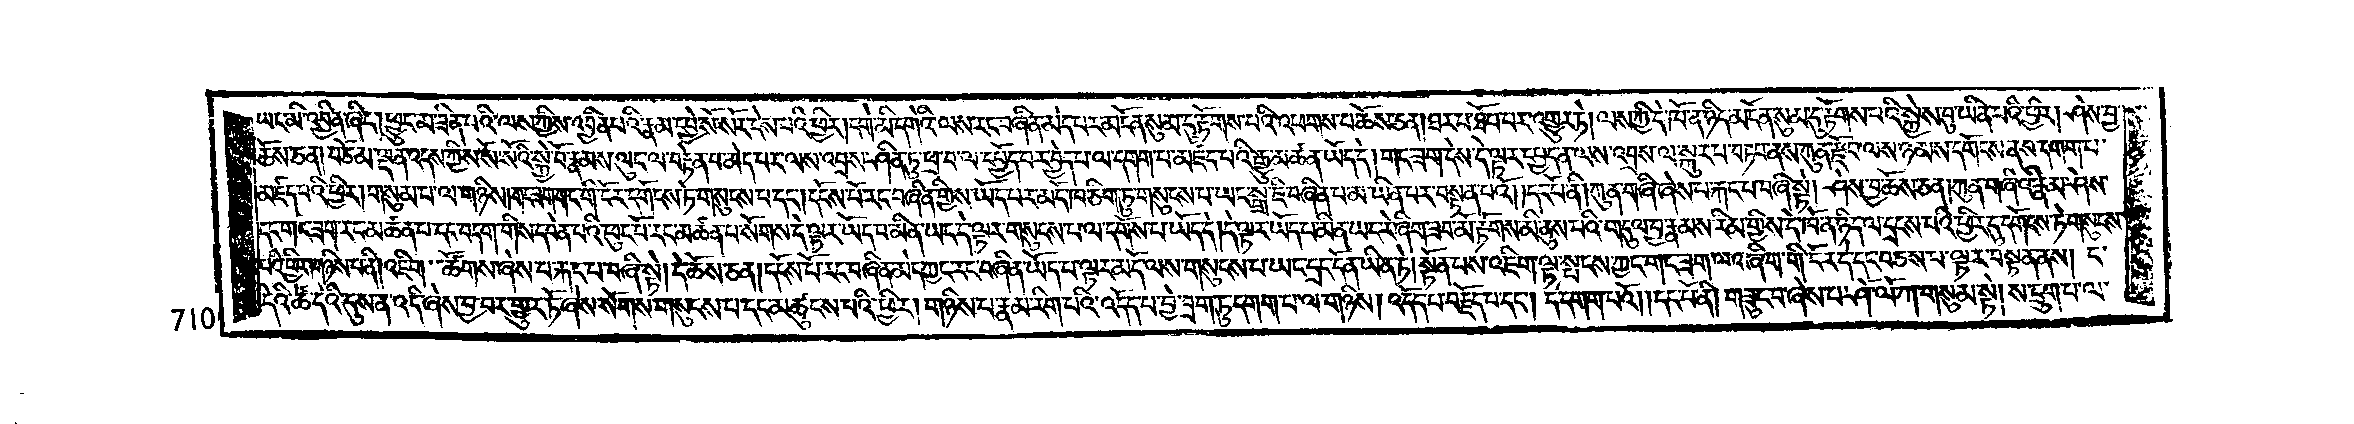ཡང་མི་འབྱིན་ཞིང་། ཕྱུང་མ་ཟིན་པའི་ལས་ཀྱིས་འབྱིན་པའི་རྣམ་དབྱེ་སོ་སོར་ངེས་པའི་ཕྱིར། དགེ་མི་དགེའི་ལས་རང་བཞིན་མེད་པར་མངོན་སུམ་དུ་རྟོགས་པའི་འཕགས་པ་ཆོས་ཅན། ཐར་པ་ཐོབ་པར་འགྱུར་ཏེ། ལས་ཀྱི་དེ་ཁོ་ན་ཉིད་མངོན་སུམ་དུ་རྟོགས་པའི་སྐྱེས་བུ་ཡིན་པའི་ཕྱིར། ཤེས་བྱ་
ཆོས་ཅན། བཅོམ་ལྡན་འདས་ཀྱིས་སོ་སོའི་སྐྱེ་བོ་རྣམས་ལུང་ལ་བརྟེན་པ་མེད་པར་ལས་འབྲས་ཤིན་ཏུ་ཕྲ་བ་ལ་དཔྱོད་བར་བྱེད་པ་ལ་དགག་པ་མཛད་པའི་རྒྱུ་མཚན་ཡོད་དེ། གང་ཟག་དེས་དེ་ལྟར་དཔྱད་ན་ལས་འབྲས་ལ་སྐུར་པ་བཏབ་ནས་ཀུན་རྫོབ་ལས་ཉམས་དགོངས་ནས་དགག་པ་
མཛད་པའི་ཕྱིར། གསུམ་པ་ལ་གཉིས། གང་ཟག་གང་གི་ངོར་དགོངས་ཏེ་གསུངས་པ་དང་། དངོས་པོ་རང་བཞིན་གྱིས་ཡོད་པར་མདོ་ཁ་ཅིག་ཏུ་གསུངས་པ་ཡང་སྒྲ་ཇི་བཞིན་པ་མ་ཡིན་པར་བསྟན་པའོ། །དང་པོ་ནི། ཀུན་གཞི་ཞེས་པ་རྐང་པ་བཞི་སྟེ། ཤེས་བྱ་ཆོས་ཅན། ཀུན་གཞིའི་རྣམ་ཤེས་
དང་གང་ཟག་རང་མཚན་པ་དང་བདག་གིས་དབེན་པའི་ཕུང་པོ་རང་མཚན་པ་སོགས་དེ་ལྟར་ཡོད་པ་མིན་ཡང་དེ་ལྟར་གསུངས་པ་ལ་དགོས་པ་ཡོད་དེ། དེ་ལྟར་ཡོད་པ་མིན་ཡང་རེ་ཞིག་ཟབ་མོ་རྟོགས་མི་ནུས་པའི་གདུལ་བྱ་རྣམས་རིམ་གྱིས་དེ་ཁོ་ན་ཉིད་ལ་དྲངས་པའི་ཕྱིར་དུ་དགོངས་ཏེ་གསུངས་
པའི་ཕྱིར། གཉིས་པ་ནི། འཇིག་ཚོགས་ཞེས་པ་རྐང་པ་བཞི་སྟེ། དེ་ཆོས་ཅན། དངོས་པོ་རང་བཞིན་མེད་ཀྱང་རང་བཞིན་ཡོད་པ་ལྟར་མདོ་ལས་གསུངས་པ་ཡང་དྲང་དོན་ཡིན་ཏེ། སྟོན་པས་འཇིག་ལྟ་སྤངས་ཀྱང་གང་ཟག་ལའང་ཞིག་གི་ངོར་དེ་དང་བཅས་པ་ལྟར་བསྟན་ནས། ང་
དེའི་ཚེ་དེའི་དུས་ན་འདི་ཞེས་བྱ་བར་གྱུར་ཏོ་ཞེས་སོགས་གསུངས་པ་དང་མཚུངས་པའི་ཕྱིར། གཉིས་པ་རྣམ་རིག་པའི་འདོད་པ་བྱེ་བྲག་ཏུ་དགག་པ་ལ་གཉིས། འདོད་པ་བརྗོད་པ་དང་། དེ་དགག་པའོ། །དང་པོ་ནི། གཟུང་བ་ཞེས་པ་ཤོ་ལོ་ཀ་གསུམ་སྟེ། ས་དྲུག་པ་ལ་